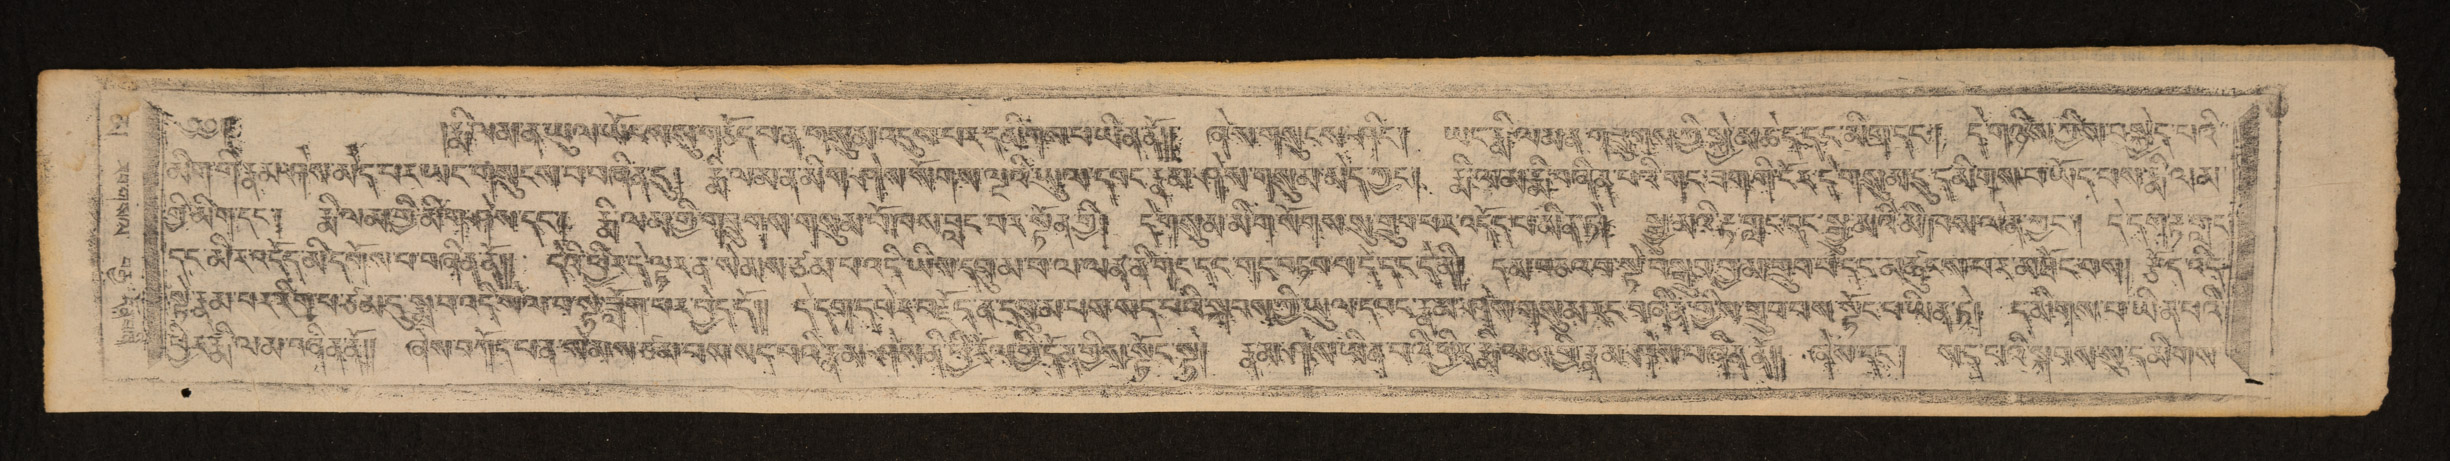༄༅། །རྨི་ལམ་ན་ཡུལ་ཡོངས་སུ་གཅོད་པ་ན་གསུམ་འདུས་པར་དམིགས་པ་ཡིན་ནོ།། ཞེས་གསུངས་ཤིང་། ཡང་རྨི་ལམ་ན་གཟུགས་ཀྱི་སྐྱེ་མཆེད་དང་མིག་དང་། དེ་གཉིས་ཀྱིས་བསྐྱེད་པའི་
མིག་གི་རྣམ་ཤེས་མེད་པར་ཡང་གསུངས་པ་བཞིན་དུ། རྨི་ལམ་ན་མིག་ཤེས་སོགས་ལྔའི་ཡུལ་དབང་རྣམ་ཤེས་གསུམ་མེད་ཀྱང་། རྨི་ལམ་རྨི་བཞིན་པའི་གང་ཟག་གི་ངོར་དེ་གསུམ་དུ་དམིགས་པ་ཡོད་པས་རྨི་ལམ་
གྱི་མིག་དང་། རྨི་ལམ་གྱི་མིག་ཤེས་དང་། རྨི་ལམ་གྱི་གཟུགས་གསུམ་པོ་ཁས་བླང་པར་སྟོན་གྱི། དེ་གསུམ་མིག་སོགས་སུ་གྲུབ་པར་འདོད་པ་མིན་ཏེ། སྒྱུ་མའི་རྟ་གླང་དང་སྒྱུ་མའི་མི་ཁས་ལེན་ཀྱང་། དེ་དག་རྟ་གླང་
དང་མིར་འདོད་མི་དགོས་པ་བཞིན་ནོ།། དེའི་ཕྱིར་དེ་ལྟར་ན་སེམས་ཙམ་པ་འདི་ཡིས་དབུ་མ་པ་ལ་ལན་ནི་གང་དང་གང་བཏབ་པ་དེ་དང་དེ་ནི། དམ་བཅའ་བ་སྟེ་བསྒྲུབ་བྱ་མ་གྲུབ་པ་དང་མཚུངས་པར་མཐོང་བས། རྩོད་འདི་
སྟེ་རྣམ་པར་རིག་པ་ཙམ་དུ་སྨྲ་བ་འདི་སེལ་བ་སྟེ་ཟློག་པར་བྱད་དོ།། དེ་དག་དཔེར་བརྗོད་ན་དབུ་མ་པས་སད་པའི་སྐབས་ཀྱི་ཡུལ་དབང་རྣམ་ཤེས་གསུམ་རང་བཞིན་གྱིས་གྲུབ་པས་སྟོང་པ་ཡིན་ཏེ། དམིགས་པ་ཡིན་པའི་
ཕྱིར་རྨི་ལམ་བཞིན་ནོ།། ཞེས་བཀོད་པ་ན་སེམས་ཙམ་པས་སད་པའི་རྣམ་ཤེས་ནི་ཕྱི་རོལ་གྱི་དོན་གྱིས་སྟོང་སྟེ། རྣམ་ཤེས་ཡིན་པའི་ཕྱིར་རྨི་ལམ་གྱི་རྣམ་ཤེས་བཞིན་ནོ།། ཞེས་དང་། སད་པའི་སྐབས་སུ་དམིགས་